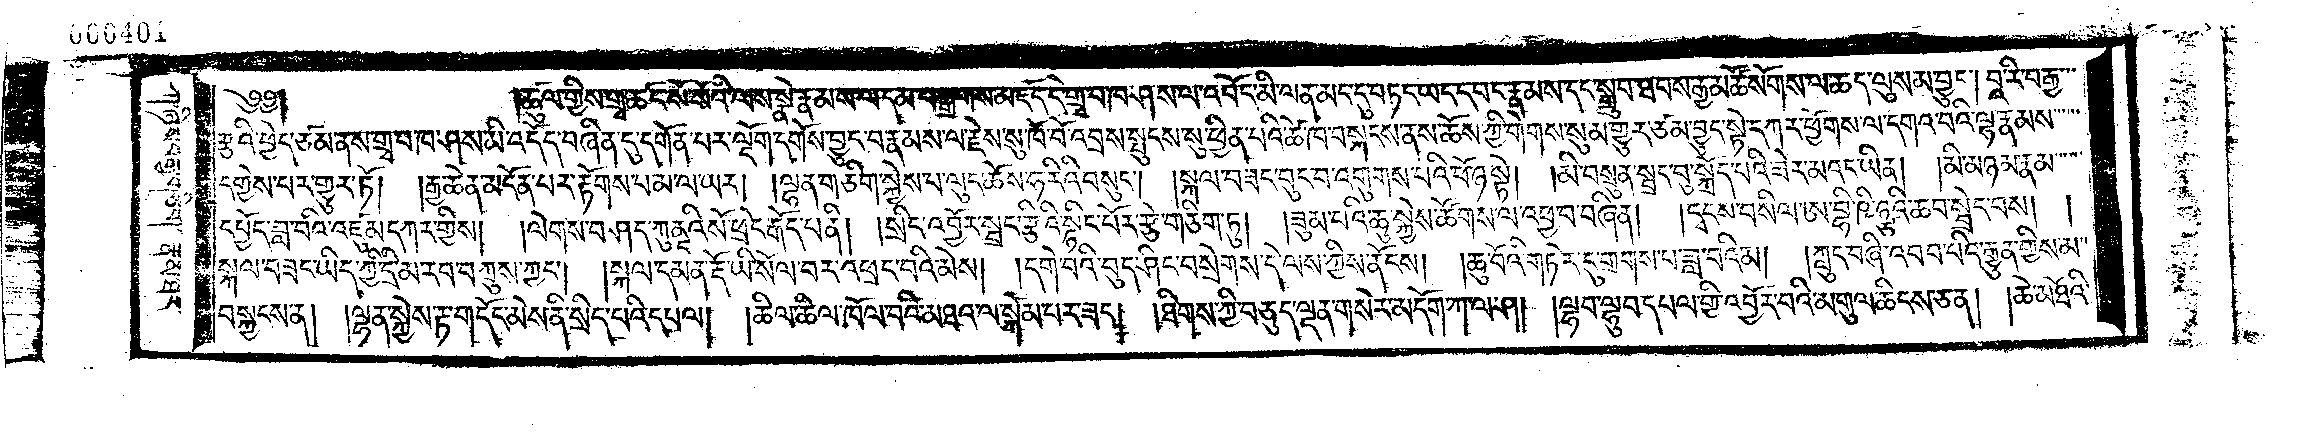༄༅། །ཚུལ་གྱིས་གྲྭ་ཚང་སོ་སོའི་ལས་སྣེ་རྣམས་ལ་དམ་བསྒྲགས་མཛད་དེ་གྲྭ་བ་ཁ་ཤས་ལ་འབོད་མི་ལན་མང་དུ་བཏང་ཡང་དབང་རྣམས་དང་སྒྲུབ་ཐབས་རྒྱ་མཚོ་སོགས་ལ་ཆད་ལུས་མ་བྱུང་། བཱ་རི་བརྒྱ་
རྩའི་ཕྱེད་ཙམ་ནས་གྲྭ་བ་ཁ་ཤས་མི་འདོད་བཞིན་དུ་དགོན་པར་ལྡོག་དགོས་བྱུང་བ་རྣམས་ལ་རྗེས་སུ་ཁོ་བོ་འབྲས་སྤུངས་སུ་ཕྱིན་པའི་ཚེ་ཁ་བསྐངས་ནས་ཆོས་ཀྱི་གེགས་སུ་མ་གྱུར་ཙམ་བྱུང་སྟེ་དཀར་ཕྱོགས་ལ་དགའ་བའི་ལྷ་རྣམས་
དགྱེས་བར་གྱུར་ཏོ། །རྒྱ་ཆེན་མངོན་པར་རྟོགས་པ་མ་ལ་ཡར། །ལྷན་གཅིག་སྐྱེས་པ་ལུང་ཆོས་ཧ་རིའི་བསུང་། །སྐལ་བཟང་བུང་བ་འགུགས་པའི་ཕོ་ཉ་སྟེ། །མི་བསྲུན་སྤྲང་བུ་སྐྲོད་པའི་ཟེར་མའང་ཡིན། །མི་མཉམ་རྣམ་
དཔྱོད་ཟླ་བའི་འཛུམ་དཀར་གྱིས། །ལེགས་བཤད་ཀུནྡའི་སོ་ཕྲེང་རྒོད་པ་ནི། །སྲིད་འབྱོར་སྦྲང་རྩིའི་སྙིང་པོར་རྩེ་གཅིག་ཏུ། །ཟུམ་པའི་ཆུ་སྐྱེས་ཚོགས་ལ་འཕྱ་བ་བཞིན། །དྭངས་བསིལ་ཨ་བྷི་ཥིཉྩའི་ཆབ་སྦྲེང་བས། །
སྐལ་བཟང་ཡིད་ཀྱི་དྲི་མ་རབ་བཀྲུས་ཀྱང་། །སྐལ་དམན་རྡོ་ཡི་སོལ་བར་འཕྲང་པའི་མེས། །དགེ་བའི་བུད་ཤིང་བསྲེགས་དེ་ལས་ཀྱིས་ནོངས། །ཆུ་བོའི་གཏེར་དུ་གྲགས་པ་ཟླ་བའི་མ། །ཀླུང་བཞི་འབབ་པའི་རྒྱུན་གྱིས་མ་
བསྐྱངས་ན། །ལྷན་སྐྱེས་རྟ་གདོང་མེས་ནི་སྲིད་པའི་དཔལ། །ཆིལ་ཆིལ་ཁོལ་བའི་མཐའ་ལ་སྐེམ་པར་ཟད། །ཐིགས་ཀྱི་བཅུད་ལྡན་གསེར་མདོག་ཀ་ལ་ཤ། །ལྷབ་ལྷུབ་དཔལ་གྱི་འབྱོར་བའི་མགུལ་ཆིངས་ཅན། །ཆེ་མཐེའི་